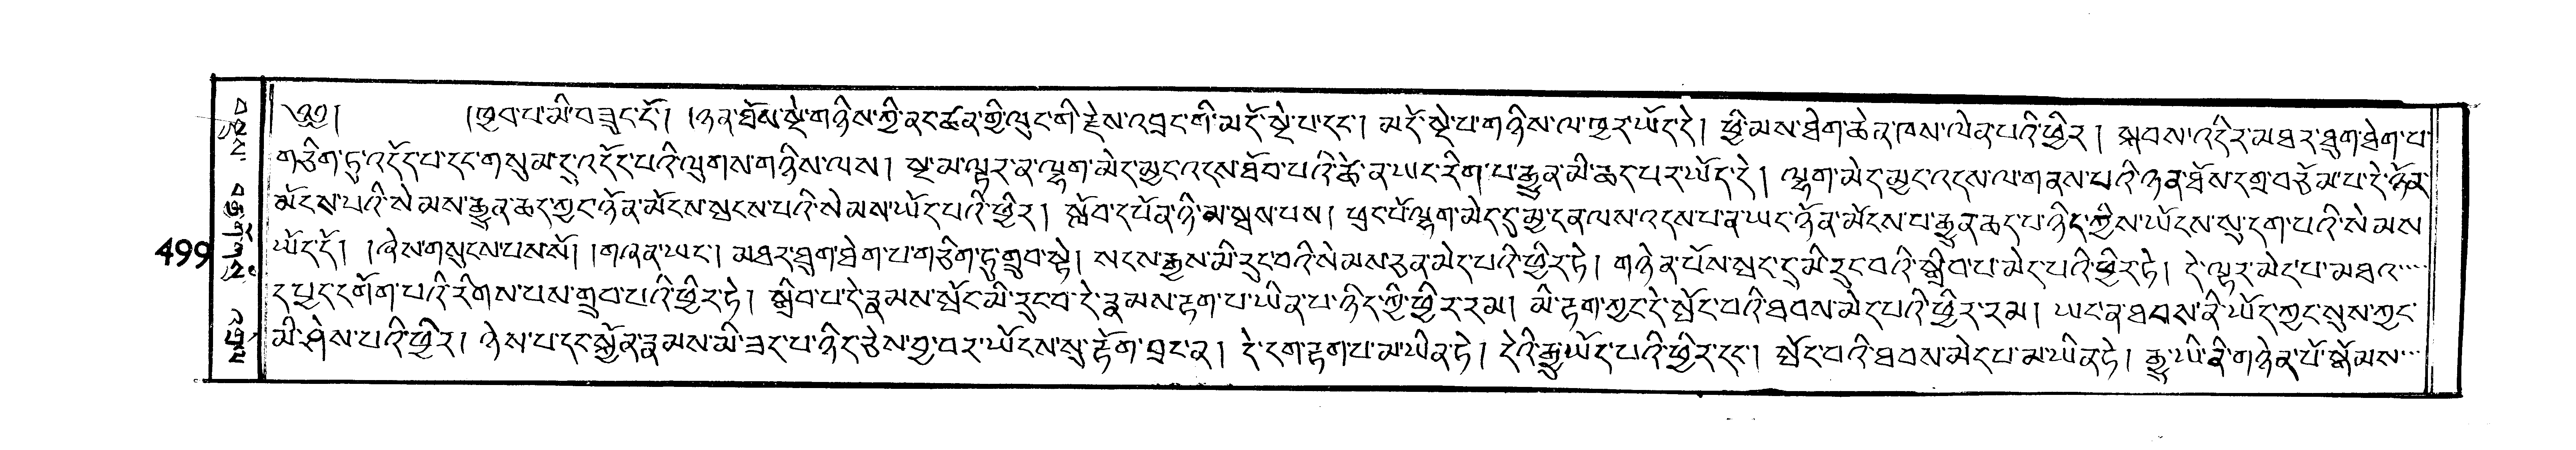༄༅། །ཁྱབ་པ་མི་བཟུང་ངོ། །ཉན་ཐོས་སྡེ་གཉིས་ཀྱི་ནང་ཚན་གྱི་ལུང་གི་རྗེས་འབྲང་གི་མདོ་སྡེ་པ་དང་། མདོ་སྡེ་པ་གཉིས་ལ་ཁྱར་ཡོད་དེ། ཕྱི་མས་ཐེག་ཆེན་ཁས་ལེན་པའི་ཕྱིར། སྐབས་འདིར་མཐར་ཐུག་ཐེག་པ་
གཅིག་ཏུ་འདོད་པ་དང་གསུམ་དུ་འདོད་པའི་ལུགས་གཉིས་ལས། སྔ་མ་ལྟར་ན་ལྷག་མེད་མྱང་འདས་ཐོབ་པའི་ཚེ་ན་ཡང་རིག་པ་རྒྱུན་མི་ཆད་པར་ཡོད་དེ། ལྷག་མེད་མྱང་འདས་ལ་གནས་པའི་ཉན་ཐོས་དགྲ་བཅོམ་པ་དེ་ཉོན་
མོངས་པའི་སེམས་རྒྱུན་ཆད་ཀྱང་ཉོན་མོངས་སྤངས་པའི་སེམས་ཡོད་པའི་ཕྱིར། སློབ་དཔོན་ཉི་མ་སྦས་པས། ཕུང་པོ་ལྷག་མེད་དུ་མྱ་ངན་ལས་འདས་པ་ན་ཡང་ཉོན་མོངས་པ་རྒྱུན་ཆད་པ་ཉིད་ཀྱིས་ཡོངས་སུ་དག་པའི་སེམས་
ཡོད་དོ། །ཞེས་གསུངས་པས་སོ། །གཞན་ཡང་། མཐར་ཐུག་ཐེག་པ་གཅིག་ཏུ་གྲུབ་སྟེ། སངས་རྒྱས་མི་རུང་བའི་སེམས་ཅན་མེད་པའི་ཕྱིར་ཏེ། གཉེན་པོས་སྤང་དུ་མི་རུང་བའི་སྒྲིབ་པ་མེད་པའི་ཕྱིར་ཏེ། དེ་ལྟར་མེད་པ་མཐའ་
དཔྱད་དགོག་པའི་རིགས་པས་གྲུབ་པའི་ཕྱིར་ཏེ། སྒྲིབ་པ་དེ་རྣམས་སྤོང་མི་རུང་བ་དེ་རྣམས་རྟག་པ་ཡིན་པ་ཉིད་ཀྱི་ཕྱིར་རམ། མི་རྟག་ཀྱང་དེ་སྤོང་བའི་ཐབས་མེད་པའི་ཕྱིར་རམ། ཡང་ན་ཐབས་ནི་ཡོད་ཀྱང་སུས་ཀྱང་
མི་ཤེས་པའི་ཕྱིར། ཉེས་པ་དང་སྐྱོན་རྣམས་མི་ཟད་པ་ཉིད་ཅེས་བྱ་བར་ཡོངས་སུ་རྟོག་བྲང་ན། དེ་དག་རྟག་པ་མ་ཡིན་ཏེ། དེའི་རྒྱུ་ཡོད་པའི་ཕྱིར་དང་། སྤོང་བའི་ཐབས་མེད་པ་མ་ཡིན་ཏེ། རྒྱུ་ཡི་ནི་གཉེན་པོ་སྒོམས་